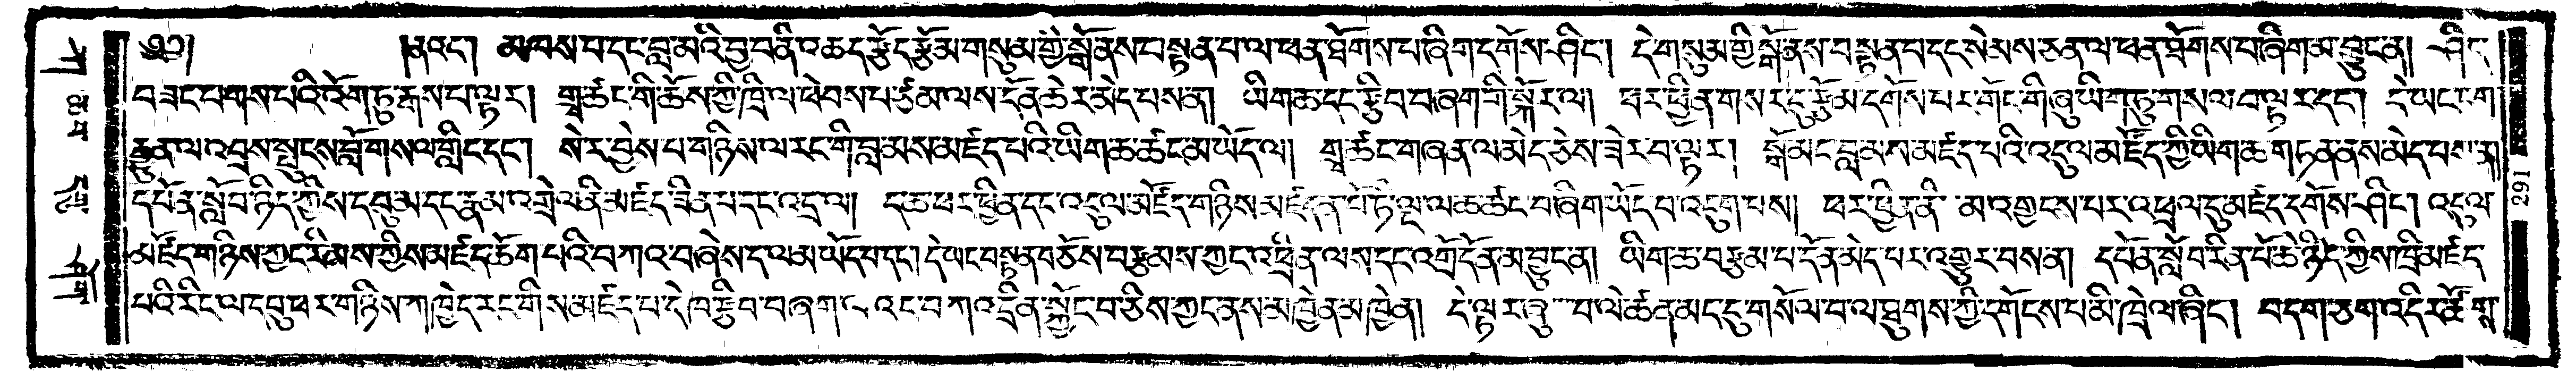༄༅། །ནའང་། མཁས་པ་དང་བླ་མའི་བྱ་བ་ནི་འཆད་རྩོད་རྩོམ་གསུམ་གྱི་སྒོ་ནས་བསྟན་པ་ལ་ཕན་ཐོགས་བ་ཞིག་དགོས་ཤིང་། དེ་གསུམ་གྱི་སྒོ་ནས་བསྟན་པ་དང་སེམས་ཅན་ལ་ཕན་ཐོགས་བ་ཞིག་མ་ཐུང་ན། ཤིང་
བཟང་པགས་པའི་འོག་ཏུ་རྒས་པ་ལྟར། གྲྭ་ཚང་གི་ཆོས་ཀྱི་ཁྲིལ་ཕེབས་པ་ཙམ་ལས་དོན་ཆེར་མེད་པས་ན། ཡིག་ཆ་དང་རྩིབ་བཞག་གི་སྐོར་ལ། ཕར་ཕྱིན་གསར་དུ་རྩོམ་དགོས་པར་གོང་གི་ཞུ་ཡིག་ཏུ་གསལ་བལྟར་དང་། དེ་ཡང་དག་
རྒྱུན་ལ་འབྲས་སྤུངས་བློ་གསལ་གླིང་དང་། སེར་བྱེས་པ་གཉིས་ལ་རང་གི་བླ་མས་མཛད་པའི་ཡིག་ཆ་ཚང་མ་ཡོད་ལ། གྲྭ་ཚང་གཞན་ལ་མེད་ཅེས་ཟེར་བལྟར། སྒོ་མང་བླ་མས་མཛད་པའི་འདུལ་མཛོད་ཀྱི་ཡིག་ཆ་གཏན་ནས་མེད་པས་ན།
དཔོན་སློབ་ཉིད་ཀྱིས་དབུ་མ་དང་རྣམ་འགྲེལ་ནི་མཛད་ཟིན་པ་དང་འདྲ་ལ། །ད་ཆ་ཕར་ཕྱིན་དང་འདུལ་མཛོད་གཉིས་མཛད་ན་པོ་ཏི་ལྔ་ལ་ཆ་ཚང་བཞིག་ཡོད་པ་འདུག་པས། ཕར་ཕྱིན་ནི་མ་འགྱངས་པར་འཕྲལ་དུ་མཛད་དགོས་ཤིང་། འདུལ་
མཛོད་གཉིས་ཀྱང་རིམས་ཀྱིས་མཛད་ཆོག་པའི་བཀའ་བཞེས་ད་ལམ་ཡོད་པ་དང་། དེ་ཡང་བསྟན་བཅོས་བརྩམས་ཀྱང་འཕྲིན་ལས་དང་འགྲོ་དོན་མ་བྱུང་ན། ཡིག་ཆ་བརྩམ་པ་དོན་མེད་པར་འགྱུར་བས་ན། དཔོན་སློབ་རིན་པོ་ཆེ་ཉིད་ཀྱིས་ཁྲི་མཛད་
པའི་རིང་ལ་དབུ་ཕར་གཉིས་ཀ་ཁྱེད་རང་གིས་མཛད་པ་དེ་ཁ་རྩིབ་བཞག་ལའང་བཀའ་དྲིན་སྐྱོང་བ་ཅིས་ཀྱང་ནས་མཁྱེན་མཁྱེན། དེ་ལྟར་ཞུ་བ་ལེ་ཚན་མང་དུ་གསོལ་བ་ལ་ཐུགས་ཀྱི་དགོངས་པ་མི་ཁྲེལ་ཞིང་། བདག་ཅག་འདིར་ཚོགས་